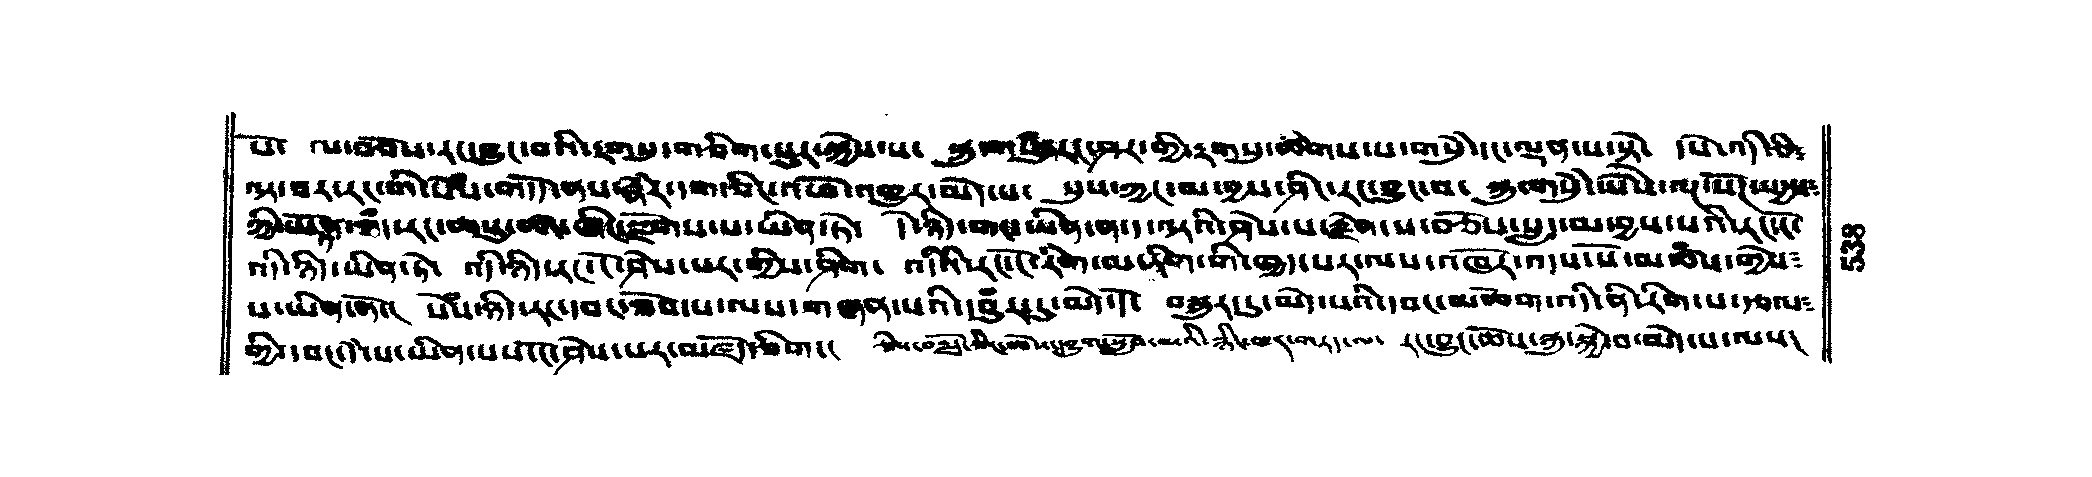པོ། མ་བཅོས་རང་བྱུང་བའི་རྟགས་གཅིག་པུར་སྐྱེས་པ། སྐུ་གསུམ་རང་ཤར་གྱི་རྟགས་སུ་ཚིགས་པ་གསུམ་དང་ལྡན་པ་སྟེ། དཔེ་འདི་ཅི་
ལྟ་བར་རང་གི་སེམས་གདོད་ནས་རྣམ་པར་དག་ཅིང་འཕོ་འགྱུར་མེད་པ།སུས་ཀྱང་མ་བྱས་ཤིང་རང་བྱུང་བ། སྐུ་གསུམ་ཡེ་ཤེས་ལྔ་སོགས་སངས་རྒྱས་
ཀྱི་ཡོན་ཏན་ཐམས་ཅད་རང་ཆས་སུ་ཚང་ཞིང་རྫོགས་པ་ཡིན་ཏེ། དེ་ཉིད་གང་ཡིན་ན་ད་ལྟའི་ཤེས་པ་རྗེན་པ་བཅོས་སླད་མ་བྱས་པའི་རང་ངོ་
འདི་ཉིད་ཡིན་ཏེ། འདི་ཉིད་རང་ངོ་ཤེས་པར་གྱིས་ཤིག འདིའི་རང་ངོ་རིག་མ་རིག་གི་ཁྱད་པར་ལས་འཁོར་འདས་སོ་མཚམས་གྱེས་
པ་ཡིན་ནོ། སེམས་ཉིད་རང་དབང་ཐོབ་པ་ལས་གཞན་པའི་དབང་བསྐུར་དུ་མེད་དེ། བསྐུར་དུ་མེད་པའི་དབང་མཆོག་འདི་ནི་རིག་པ་རྩལ་
གྱི་དབང་དམ་པ་ཡིན་པས་ངོ་ཤེས་པར་མཛོད་ཅིག ཅེས་བརྗོད་ཅིང་ཆོས་དབྱུག་སློབ་མའི་སྙིང་ཁར་གཏད་ལ། རང་བྱུང་ཆོས་སྐུ་སྐྱེ་བ་མེད་པ་ལས།